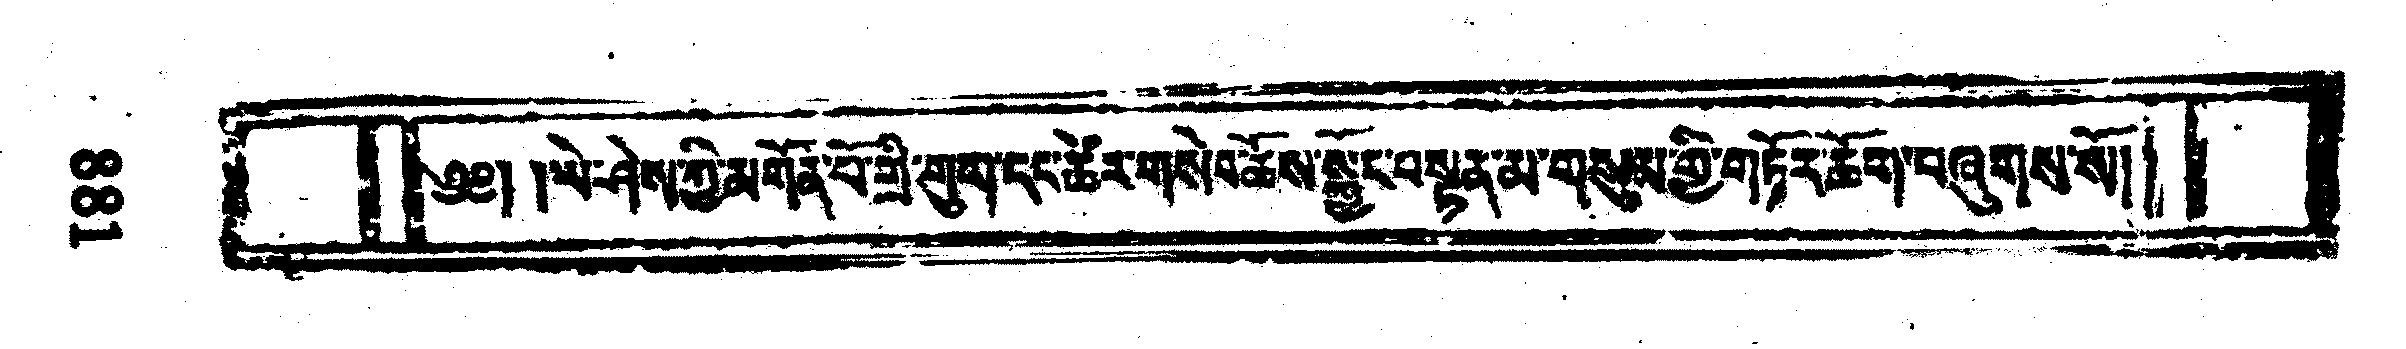༄༅། །ཡེ་ཤེས་ཀྱི་མགོན་པོ་གྲི་གུག་དང་ཚེར་གསེབ་ཆོས་སྐྱོང་བསྟན་མ་གསུམ་གྱི་གཏོར་ཆོག་བཞུགས་སོ།།